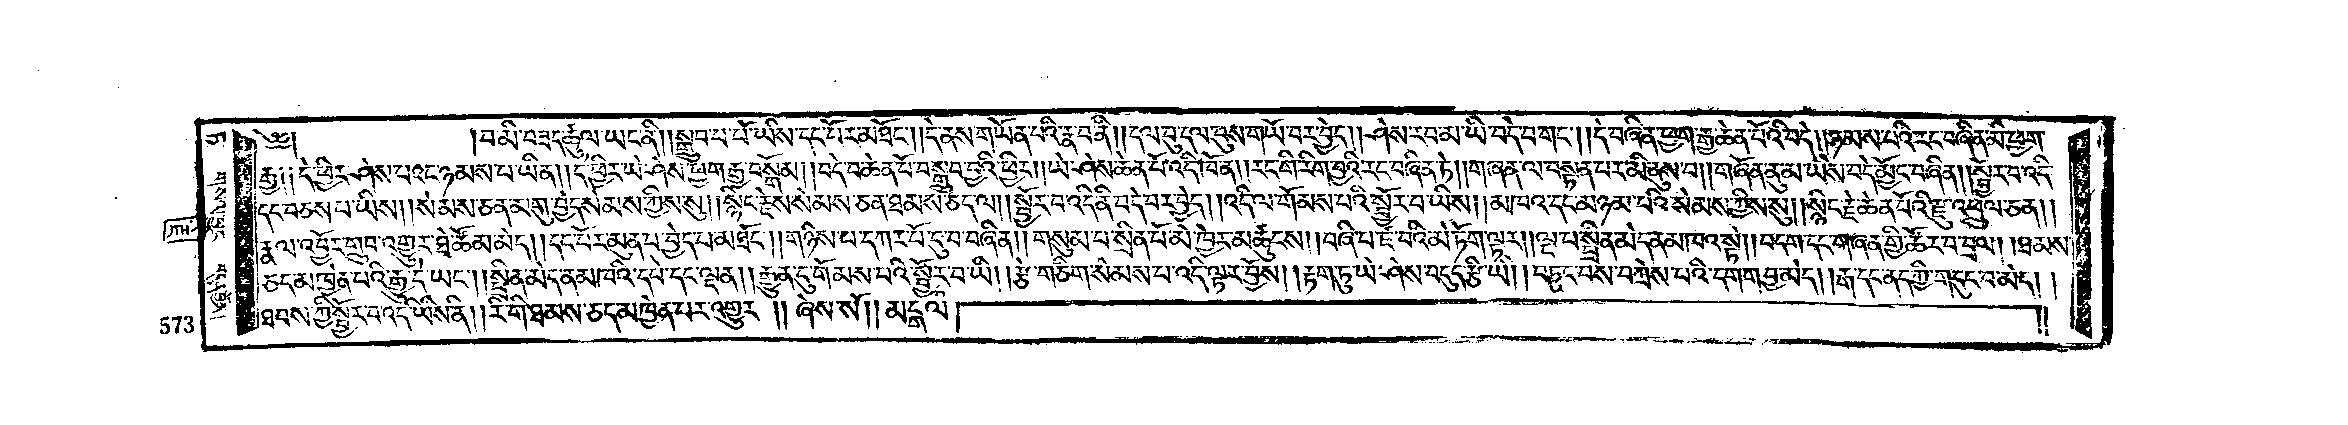༄༅། །བ་མི་བཟད་ཚུལ་ཡང་ནི། །སྒྲུབ་པ་པོ་ཡིས་དང་པོར་མཐོང་། །དེ་ནས་གཡོན་པའི་རྣ་བ་ནི། །དལ་བུ་དལ་བུས་གཡོ་བར་བྱེད། །ཤེས་རབ་མ་ཡི་བདེ་བ་གང་། །དེ་བཞིན་ཕྱག་རྒྱ་ཆེན་པོའི་བདེ། །ཉམས་པའི་རང་བཞིན་མི་ཕྱག་
རྒྱ། །དེ་ཕྱིར་ཤེས་པའང་ཉམས་པ་ཡིན། །དེ་ཕྱིར་ཡེ་ཤེས་ཕྱག་རྒྱ་བསྒོམ། །བདེ་བ་ཆེན་པོ་བསྒྲུབ་བྱའི་ཕྱིར། །ཡེ་ཤེས་ཆེན་པོ་འདི་ཁོ་ན། །རང་གི་རིག་བྱའི་རང་བཞིན་ཏེ། །གཞན་ལ་བསྟན་པར་མི་ནུས་པ། །གཞོན་ནུ་མ་ཡིས་བདེ་མྱོང་བཞིན། །སྦྱོར་བ་འདི་
དང་བཅས་པ་ཡིས། །སེམས་ཅན་མགུ་བྱེད་སེམས་ཀྱིས་སུ། །སྙིང་རྗེས་སེམས་ཅན་ཐམས་ཅད་ལ། །སྦྱོར་བ་འདི་ནི་བདེ་བར་བྱེད། །འདི་ལ་གོམས་པའི་སྦྱོར་བ་ཡིས། །མཁའ་དང་མཉམ་པའི་སེམས་ཀྱིས་སུ། །སྙིང་རྗེ་ཆེན་པོའི་རྫུ་འཕྲུལ་ཅན། །
རྣལ་འབྱོར་གྲུབ་འགྱུར་ཐེ་ཚོམ་མེད། །དང་པོར་མུན་པ་བྱེད་པ་མཐོང་། །གཉིས་པ་དཀར་པོ་དུ་བ་བཞིན། །གསུམ་པ་སྲིན་པོ་མེ་ཁྱེར་མཚུངས། །བཞི་པ་ཛ་བའི་མེ་ཏོག་ལྟར། །ལྔ་པ་སྤྲིན་མེད་ནམ་མཁའ་སྟེ། །བདག་དང་གཞན་གྱི་ཚོར་བ་བྲལ། །ཐམས་
ཅད་མཁྱེན་པའི་རྒྱུ་དེ་ཡང་། །སྤྲིན་མེད་ནམ་མཁའི་དཔེ་དང་ལྡན། །རྒྱུན་དུ་གོམས་པའི་སྦྱོར་བ་ཡི། །རྩེ་གཅིག་སེམས་པ་འདི་ལྟར་བྱོས། །རྟག་ཏུ་ཡེ་ཤེས་བདུད་རྩི་ཡི། །བཏུང་བས་བཀྲེས་པའི་དགག་བྱ་མེད། །རྒ་དང་ནད་ཀྱི་གདུང་བ་མེད། །
ཐབས་ཀྱི་སྦྱོར་བ་འདི་ཡིས་ནི། །རི་གི་ཐམས་ཅད་མཁྱེན་པར་འགྱུར། །ཞེས་སོ། །མངྒ་ལཾ། །།